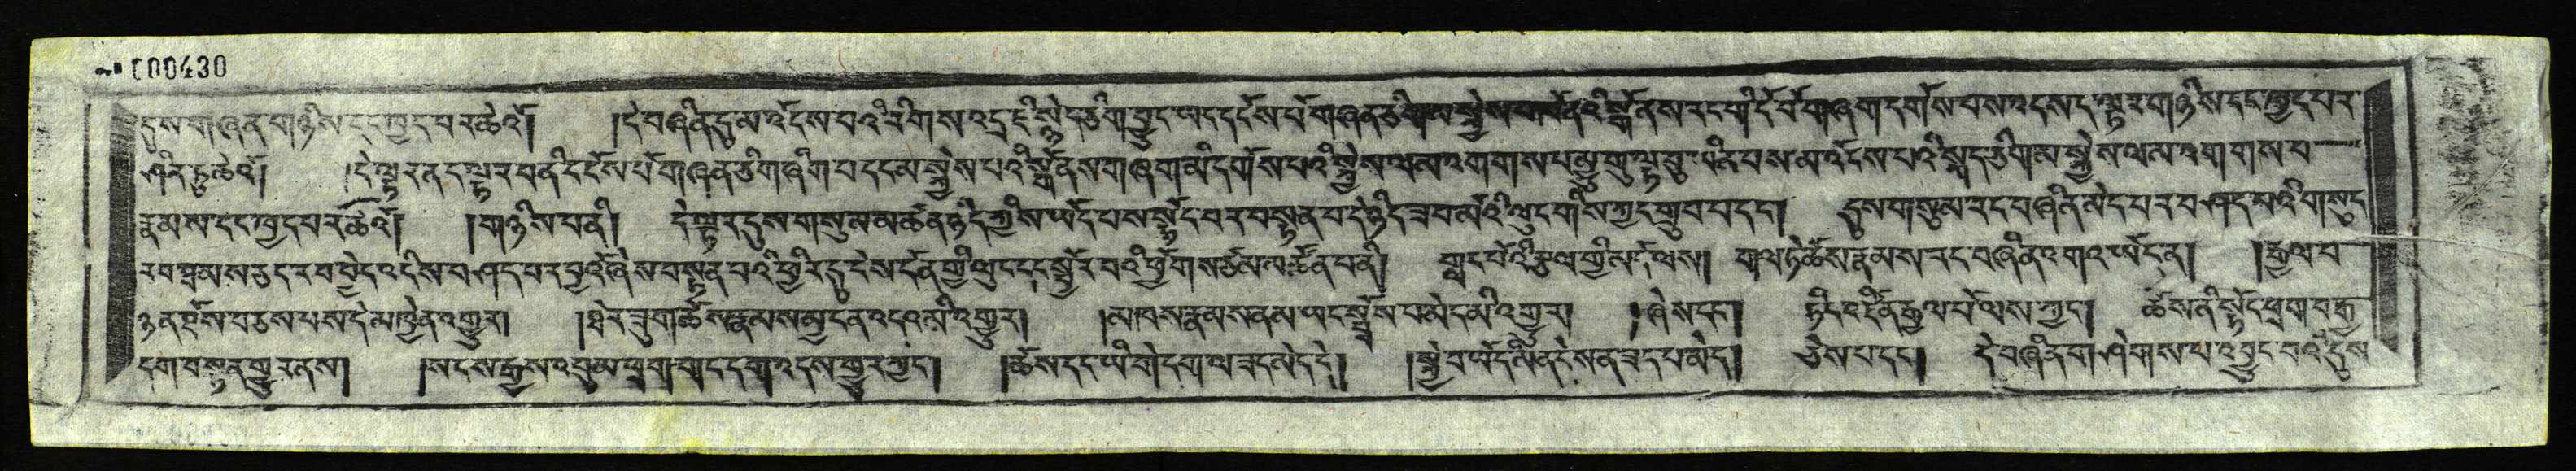དུས་གཞན་གཉིས་དང་ཁྱད་པར་ཆེའོ། །དེ་བཞིན་དུ་མ་འོངས་པའི་རིགས་འདྲ་ཇི་སྙེད་ཅིག་བྱུང་ཡང་དངོས་པོ་གཞན་ཅིག་མ་སྐྱེས་བ་ཁོ་ནའི་སྒོ་ནས་རང་གི་ངོ་བོ་གཞག་དགོས་པས་འདས་ད་ལྟར་གཉིས་དང་ཁྱད་པར་
ཤིན་ཏུ་ཆེའོ། །དེ་ལྟར་ན་ད་ལྟར་བ་ནི་དངོས་པོ་གཞན་ཅིག་ཞིག་པ་དང་མ་སྐྱེས་པའི་སྒོ་ནས་གཞག་མི་དགོས་པའི་སྐྱེས་ལ་མ་འགགས་པ་མྱུ་གུ་ལྟ་བུ་ཡིན་པས་མ་འོངས་པའི་སྐད་ཅིག་མ་སྐྱེས་ལ་མ་འགགས་པ་
རྣམས་དང་ཁྱད་པར་ཆེའོ། །གཉིས་པ་ནི། དེ་ལྟར་དུས་གསུམ་མཚན་ཉིད་ཀྱིས་ཡོད་པས་སྟོང་པར་བསྟན་པ་དེ་ཉིད་ཟབ་མོའི་ལུང་གིས་ཀྱང་གྲུབ་པ་དང་། དུས་གསུམ་རང་བཞིན་མེད་པར་བཤད་པའི་གསུང་
རབ་ཐམས་ཅད་རབ་བྱེད་འདིས་བཤད་པར་བྱའོ་ཞེས་བསྟན་པའི་ཕྱིར་དུ་ངེས་དོན་གྱི་ལུང་དང་སྦྱོར་བའི་ཕྱོགས་ཙམ་མཚོན་པ་ནི། གླང་པོའི་རྩལ་གྱི་མདོ་ལས། གལ་ཏེ་ཆོས་རྣམས་རང་བཞིན་འགའ་ཡོད་ན། །རྒྱལ་བ་
ཉན་ཐོས་བཅས་པས་དེ་མཁྱེན་འགྱུར། །ཐེར་ཟུག་ཆོས་རྣམས་མྱ་ངན་འདའ་མི་འགྱུར། །མཁས་རྣམས་ནམ་ཡང་སྤྲོས་པ་མེད་མི་འགྱུར། །ཞེས་དང་། ཏིང་འཛིན་རྒྱལ་པོ་ལས་ཀྱང་། ཆོས་ནི་སྟོང་ཕྲག་བརྒྱ་
དག་བསྟན་གྱུར་ནས། །སངས་རྒྱས་འབུམ་ཕྲག་གང་དག་འདས་གྱུར་ཀྱང་། །ཆོས་དང་ཡི་གེ་དག་ལ་ཟད་མེད་དེ། །སྐྱེ་བ་ཡོད་མིན་ངེས་ན་ཟད་པ་མེད། ཅེས་པ་དང་། དེ་བཞིན་གཤེགས་པ་འབྱུང་བའི་དུས་